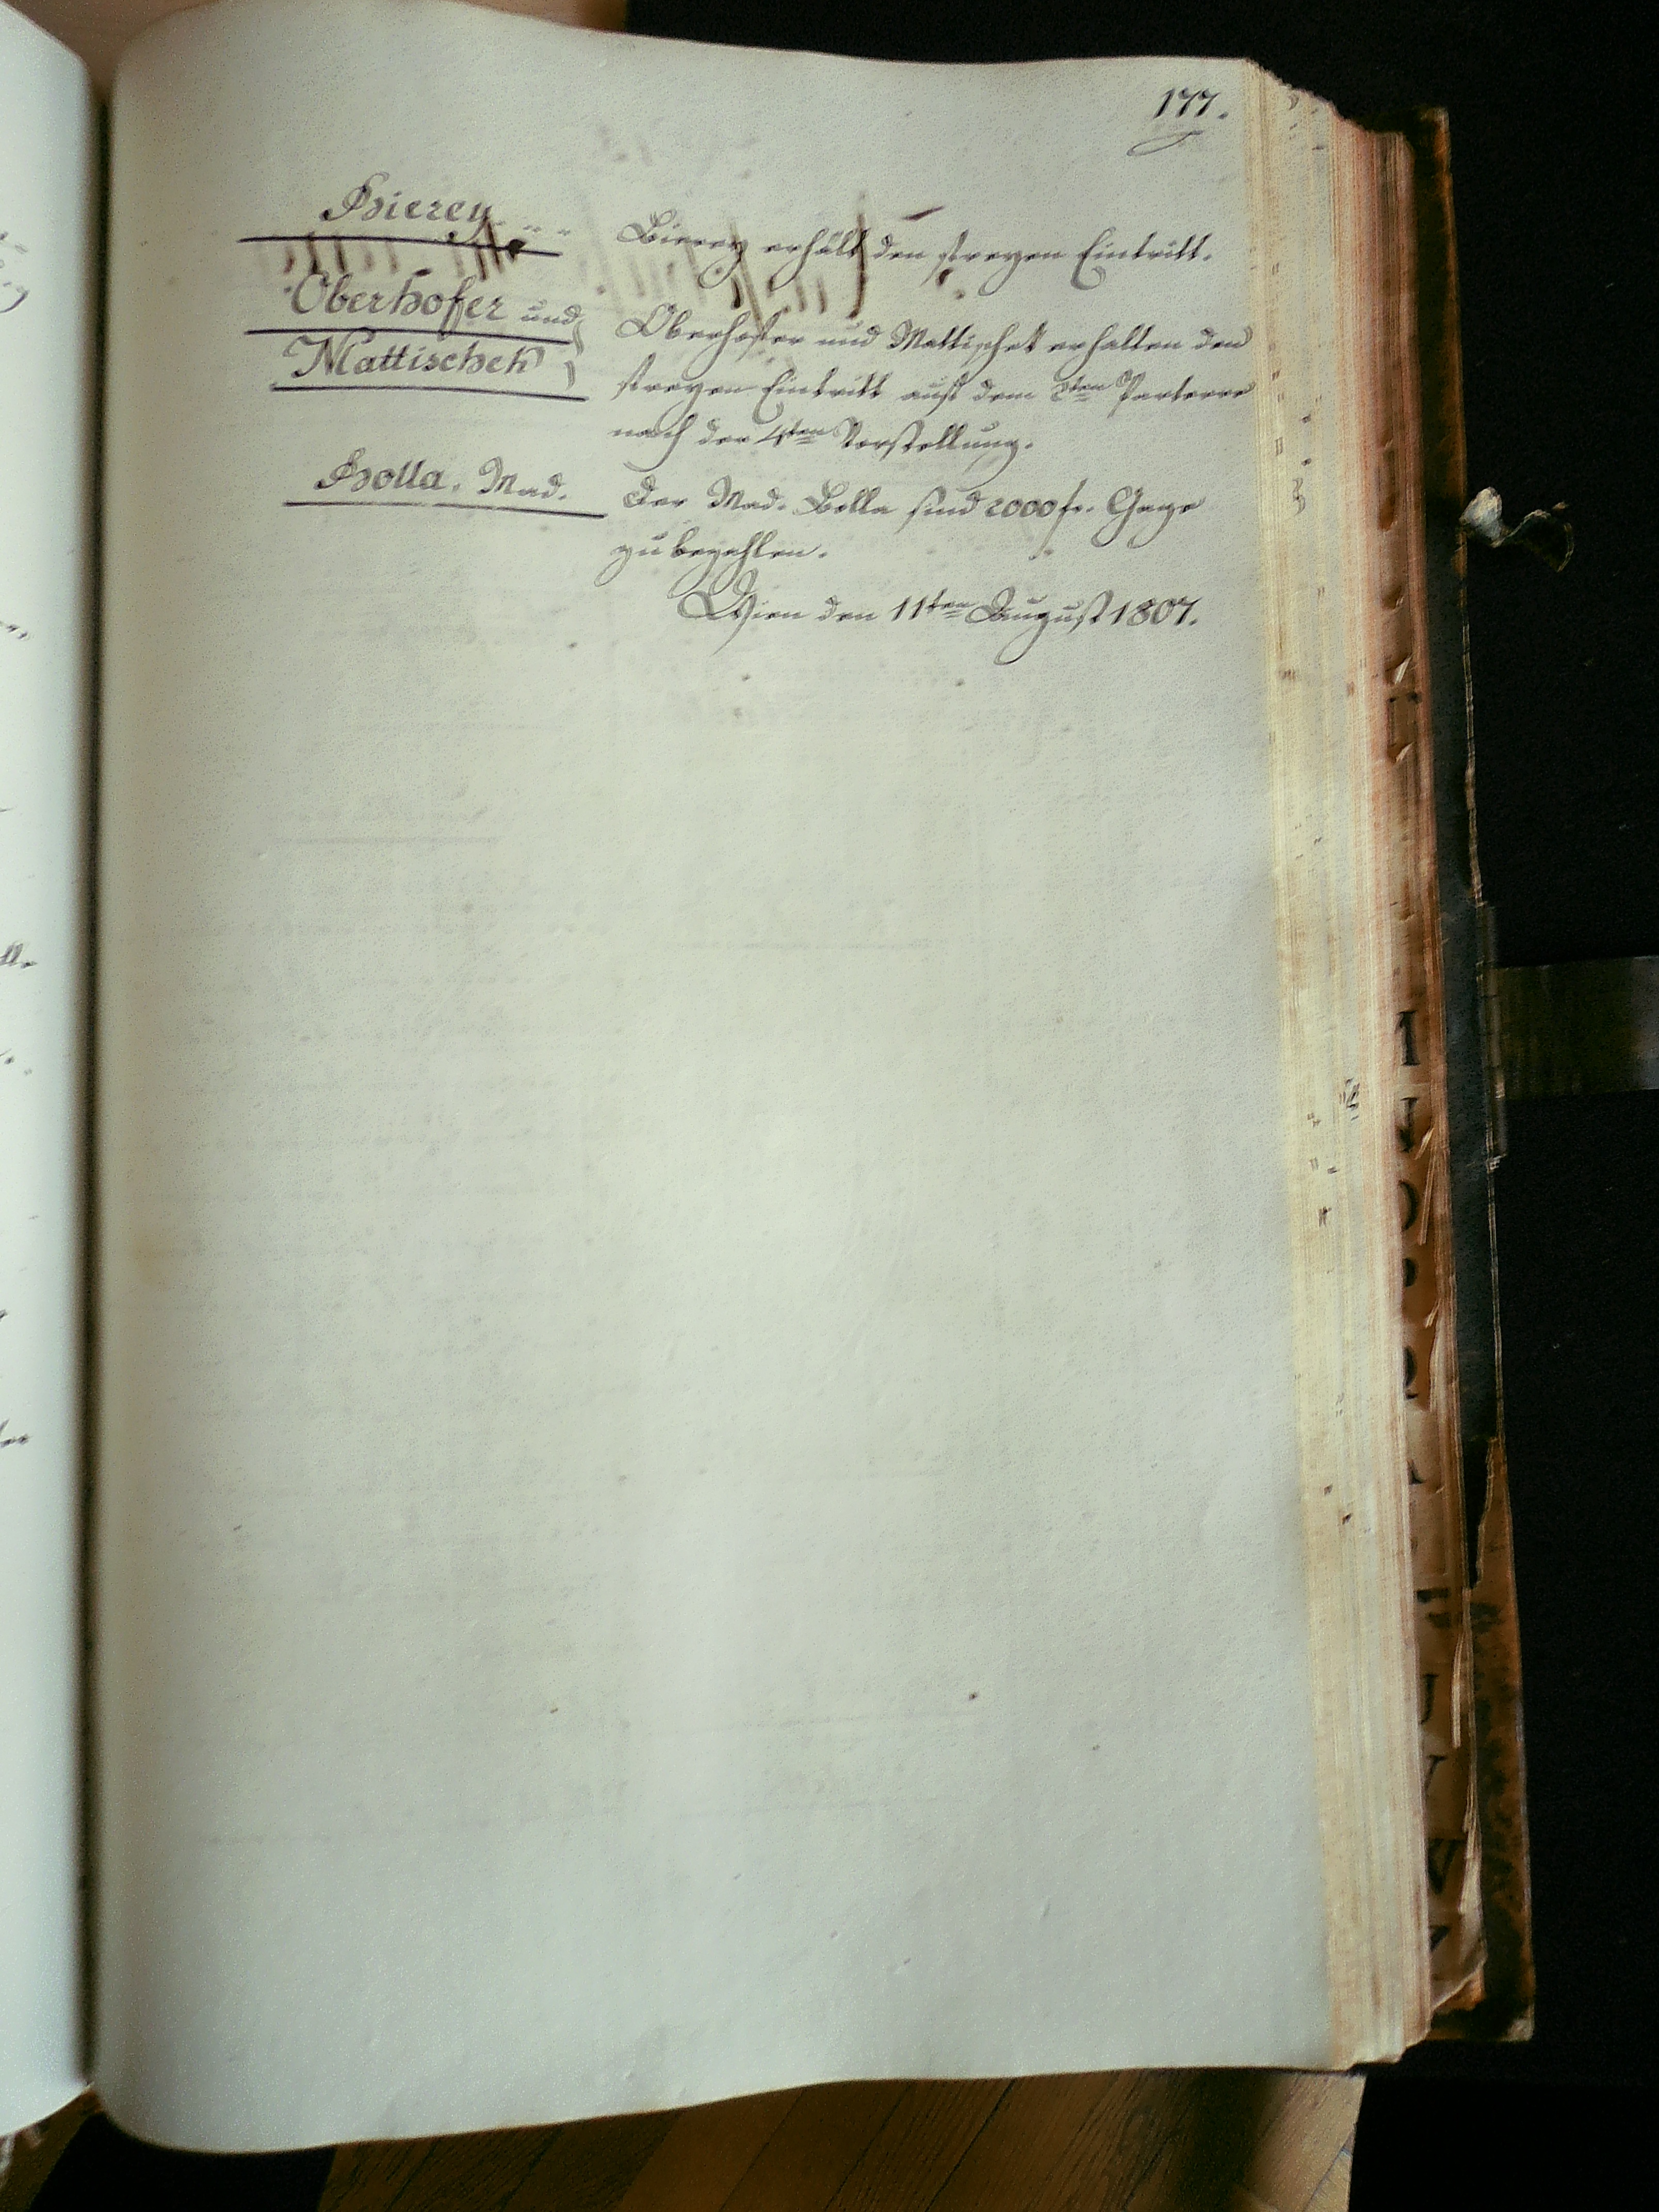177.
Bierey. .. .. Bierey erhält den freyen Eintritt.
Oberhofer und
Mattischek.
Oberhofer und Mattischek erhalten den
freyen Eintritt auf dem 2te͇n Parterre
nach der 4te͇n Vorstellung.
Bolla, Mad. Der Mad. Bolla sind 2000fr. Gage
zu bezahlen.
Wien den 11te͇n August 1807.